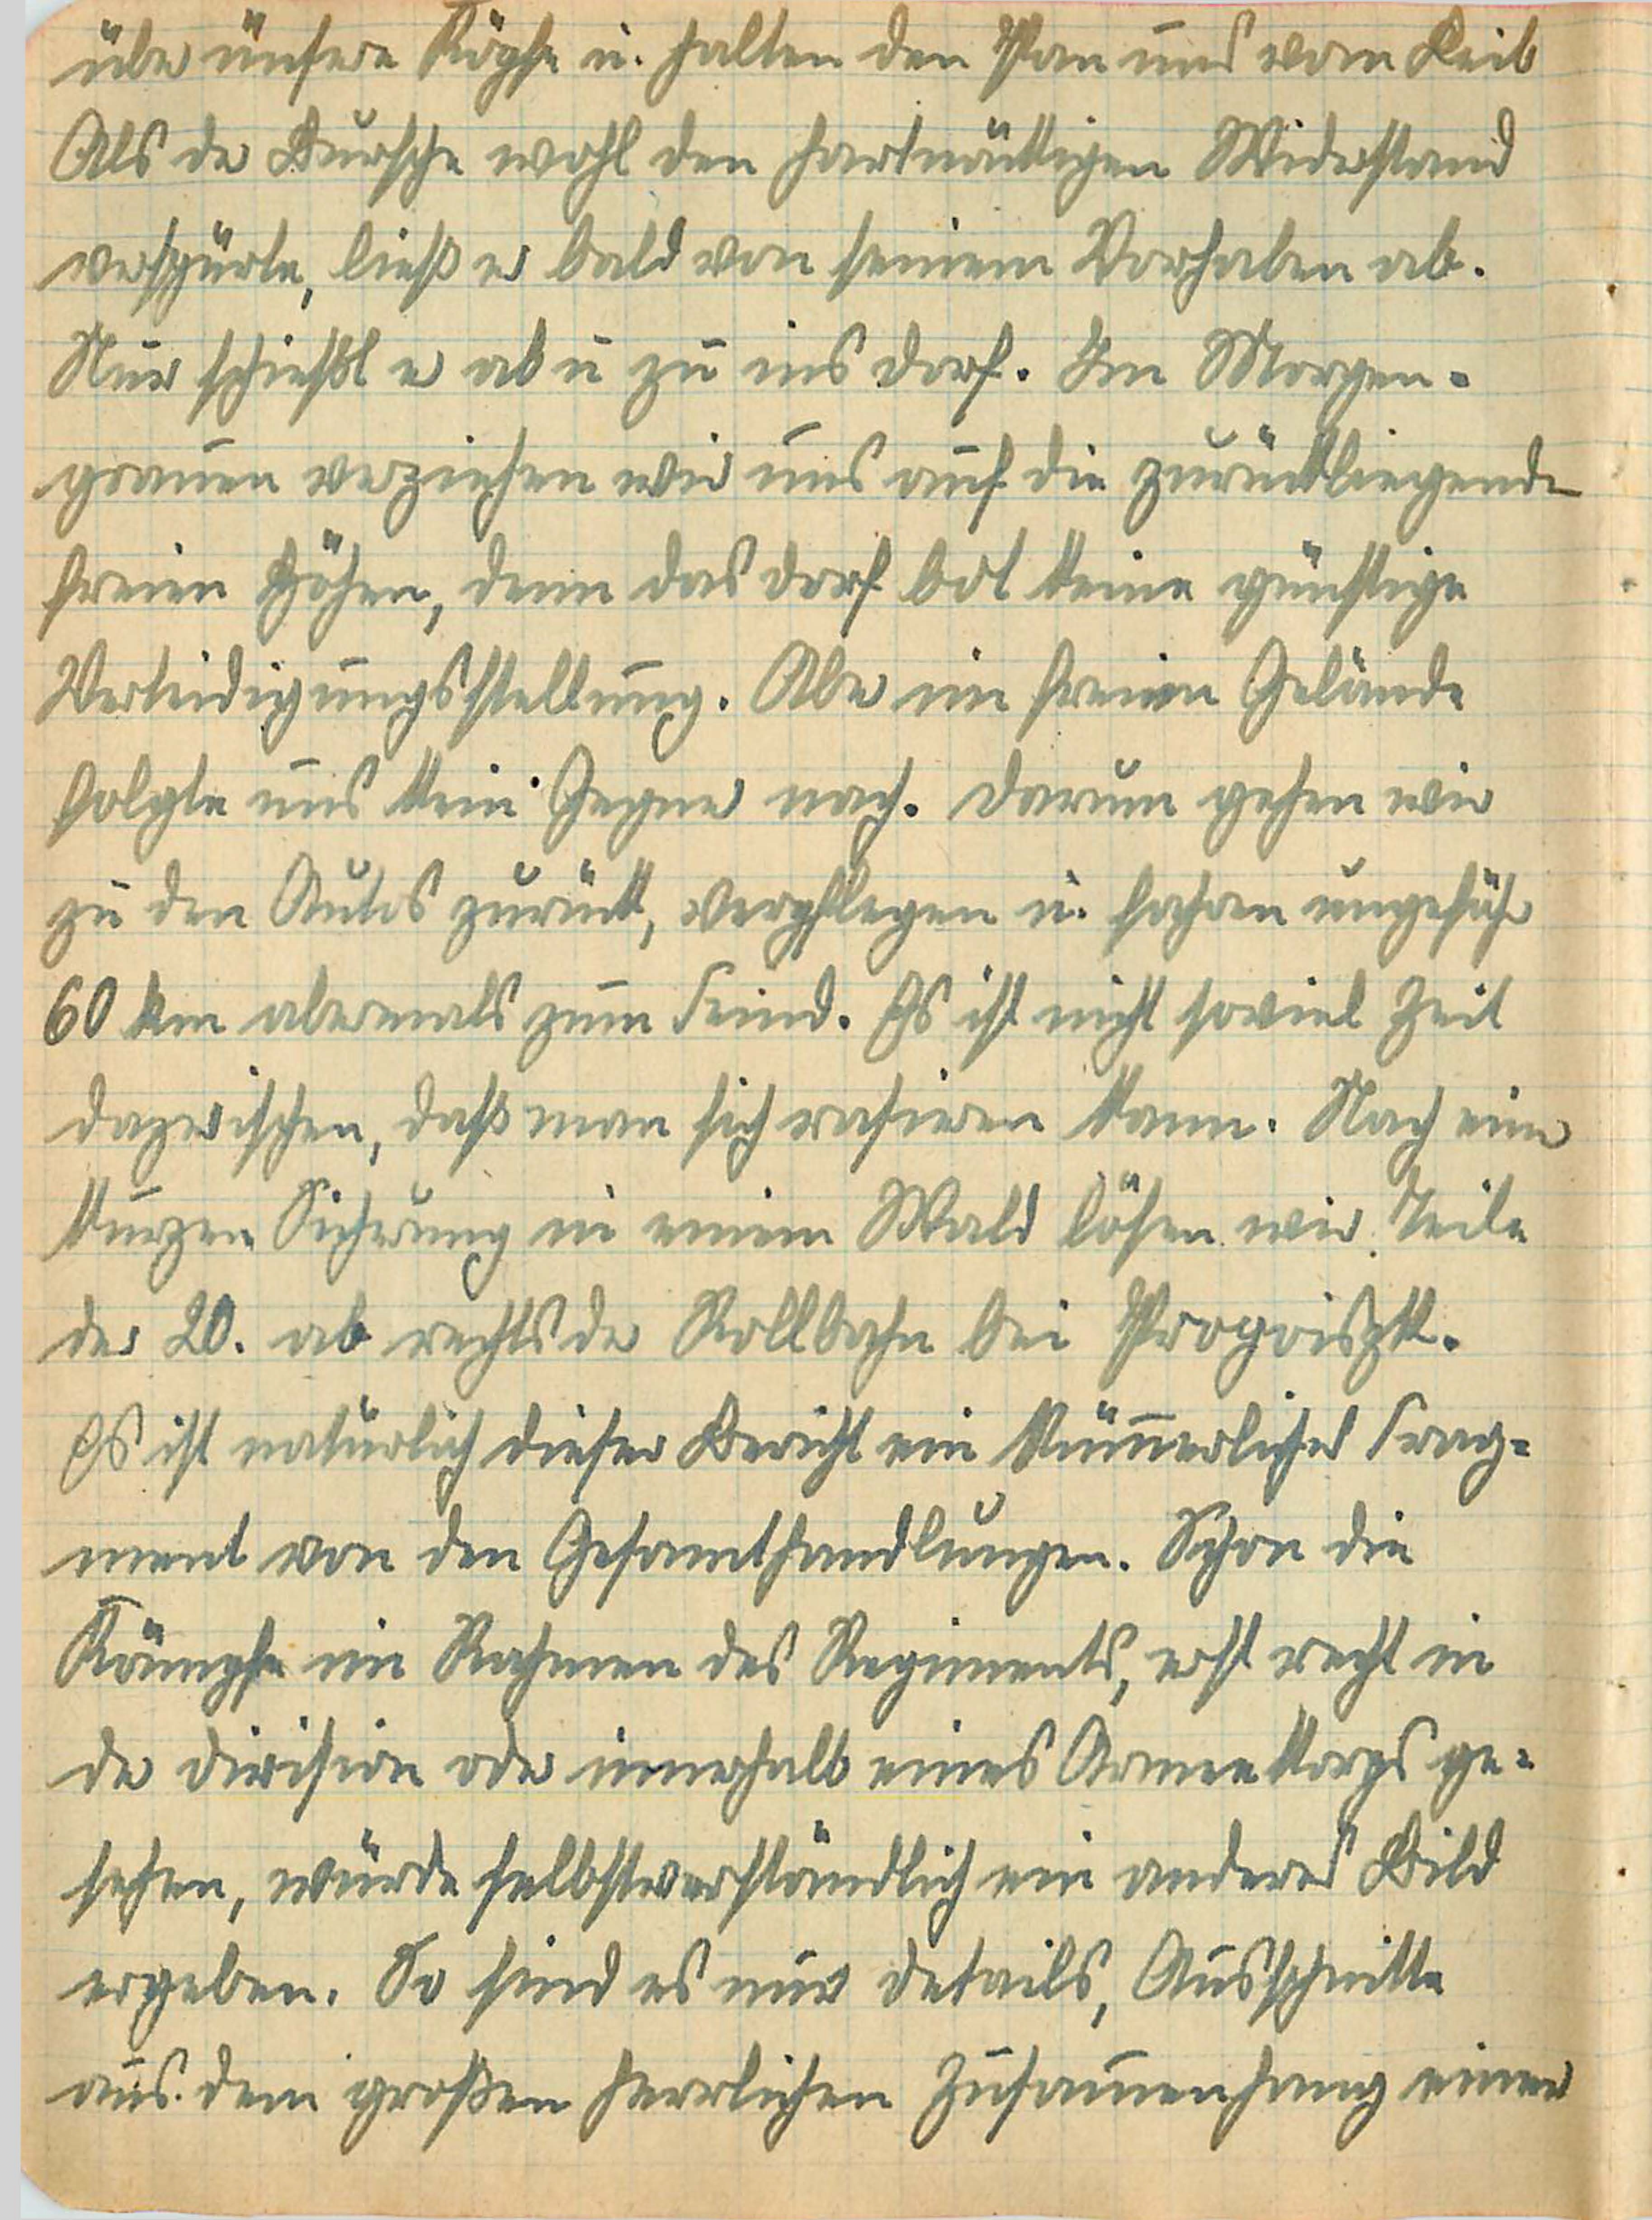über unsere Köpfe u. halten den Pan uns vom Leib.
Als der Bursche wohl den hartnäckigen Widerstand
verspürte, ließ er bald von seinem Vorhaben ab.
Nun schießt er ab und zu ins Dorf. Im Morgen-
grauen verziehen wir uns auf die zurückliegenden
freien Höhen, denn das Dorf bot keine günstige
Verteidigungsstellung. Aber im freien Gelände
folgte uns kein Gegner nach. Darum gehen wir
zu den Autos zurück, verpflegen u. fahren ungefähr
60 km abermals zum Feind. Es ist nicht soviel Zeit
dazwischen, daß man sich rasieren kann. Nach einer
kurzen Sicherung in einem Wald lösen wir Teile
der 20. ab rechts der Rollbahn bei Propoiszk.
Es ist natürlich dieser Bericht ein kümmerliches Frag-
ment von den Gesamthandlungen. Schon die
Kämpfe im Rahmen des Regiments, erst recht in
der Division oder innerhalb eines Armeekorps ge-
sehen, würde selbstverständlich ein anderes Bild
ergeben. So sind es nur Details, Ausschnitte
aus dem großen herrlichen Zusammenhang einer